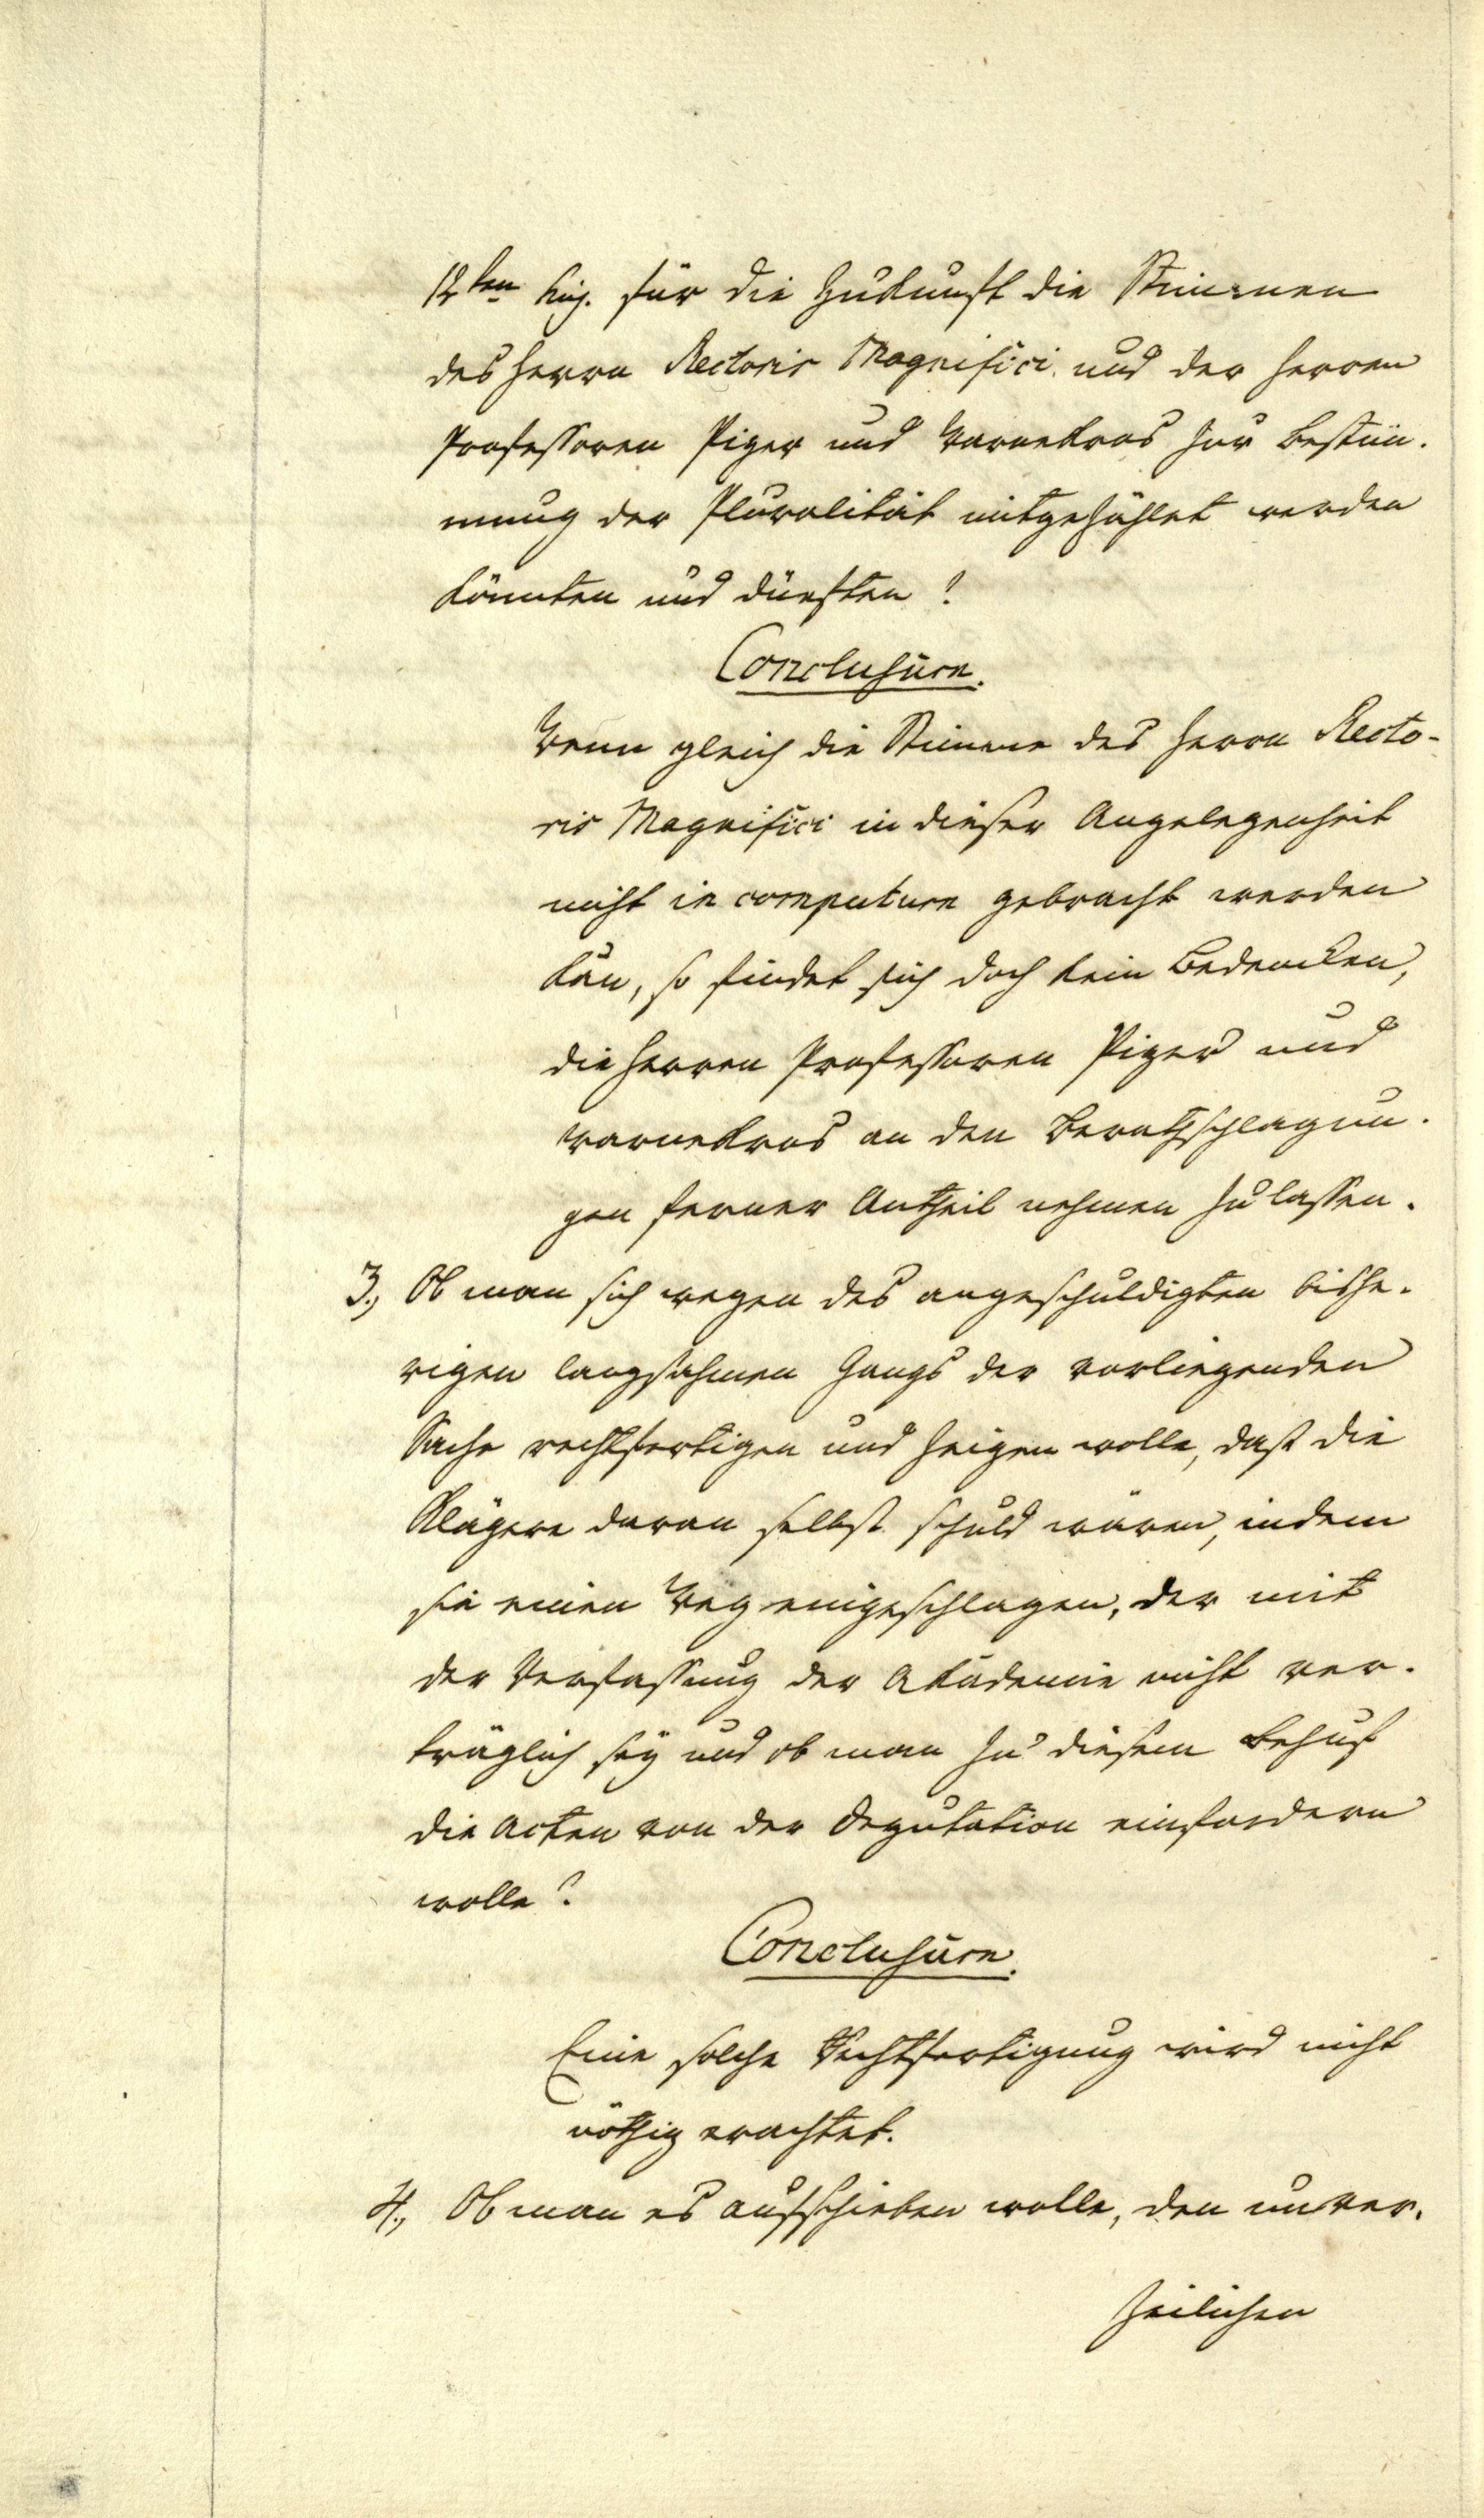12 ten huj. für die Zukunft die Stimmen
des Herrn Rectoris Magnifici und der Herren
Professoren Piper und Warnekros zur Bestim¬
mung der Pluralität mitgezählet werden
könnten und dürften?
Conclusum.
Wenn gleich die Stimme des Herrn Recto¬
ris Magnifici in dieser Angelegenheit
nicht in computum gebracht werden
kan, so findet sich doch kein Bedencken,
die Herren Professoren Piper und
Warnekros an den Berathschlagun¬
gen ferner Antheil nehmen zu lassen.
3., Ob man sich wegen des angeschuldigten bishe¬
rigen langsahmen Gangs der vorliegenden
Sache rechtfertigen und zeigen wolle, daß die
Klägere daran selbst schuld wären, indem
sie einen Weg einigeschlagen, der mit
der Verfassung der Akademie nicht ver¬
träglich seÿ und ob man zu diesem Behuf
die Acten von der Deputation einfordern
wolle?
Conclusum
Eine solche Rechtfertigung wird nicht
nöthig erachtet.
4., Ob man es aufschieben wolle, den unver¬
zeilichen